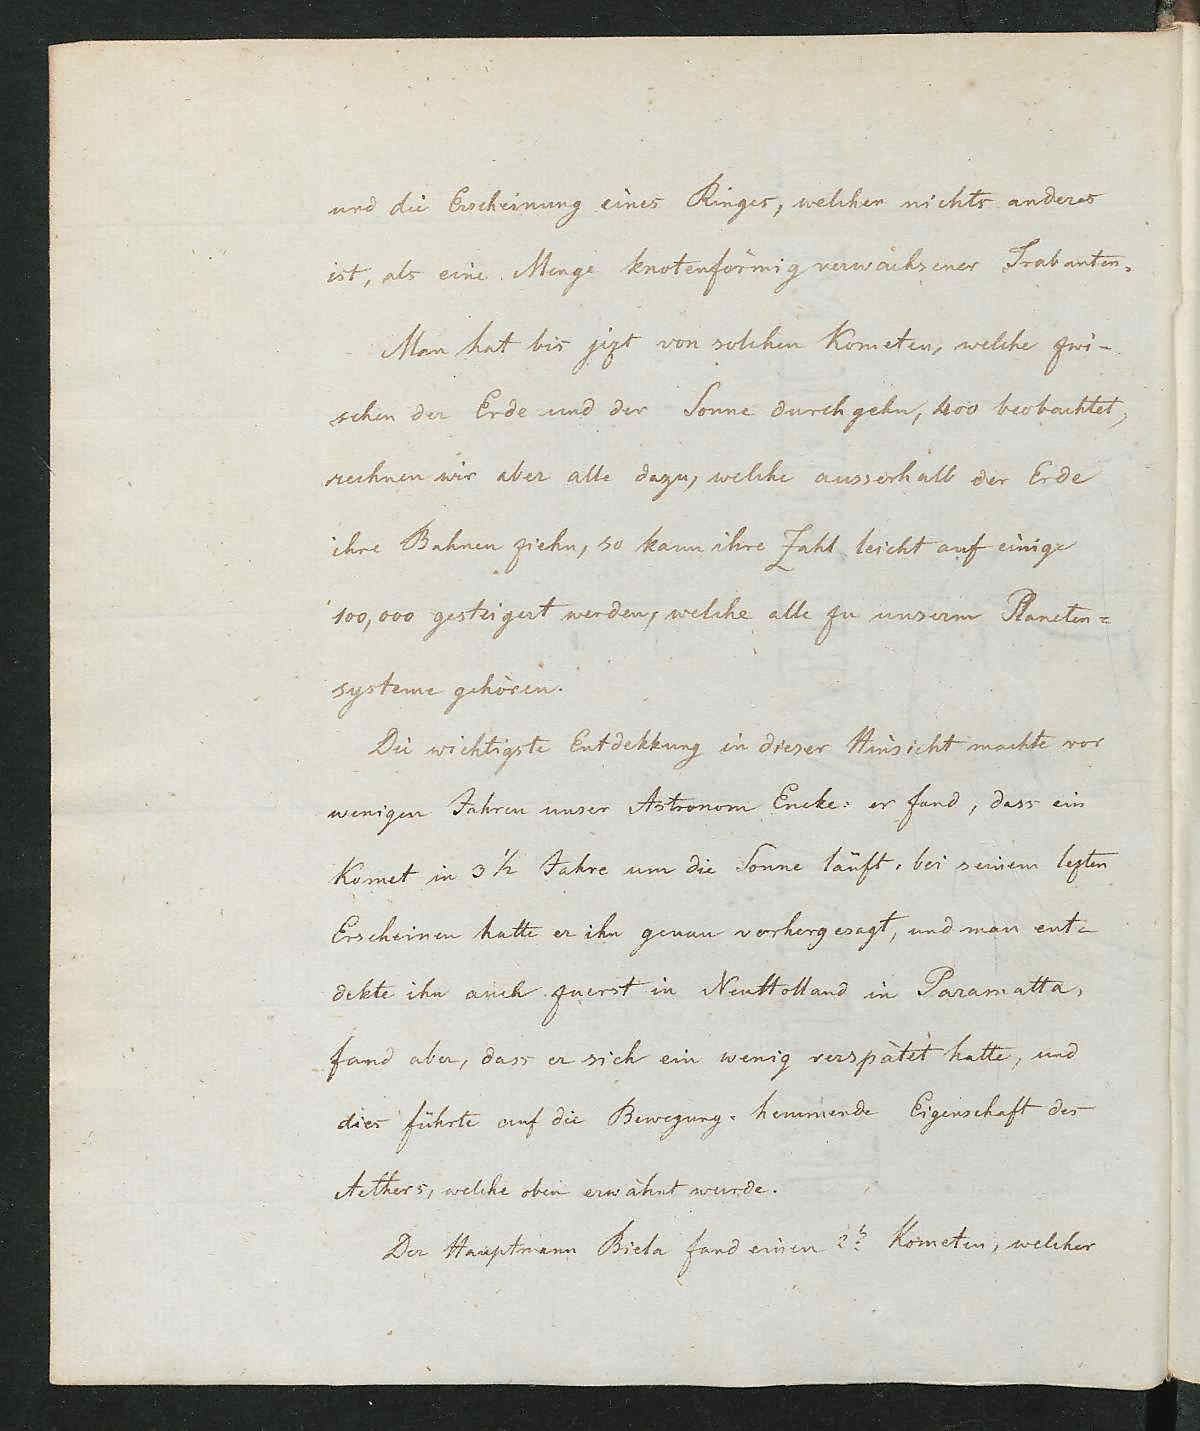und die Erscheinung eines Ringes, welcher nichts anderes
ist, als eine Menge knotenförmig verwachsener Trabanten.
Man hat bis jezt von solchen Kometen, welche zwi-
schen der Erde und der Sonne durchgehn, 400 beobachtet,
rechnen wir aber alle dazu, welche ausserhalb der Erde
ihre Bahnen ziehn, so kann ihre Zahl leicht auf einige
100,000 gesteigert werden, welche alle zu unserm Planeten-
systeme gehören.
Die wichtigste Entdekkung in dieser Hinsicht machte vor
wenigen Jahren unser Astronom Encke: er fand, dass ein
Komet in 3½ um die Sonne läuft, bei seinem lezten
Erscheinen hatte er ihn genau vorhergesagt, und man ent-
dekte ihn auch zuerst in NeuHolland in Paramatta,
fand aber, dass er sich ein wenig verspätet hatte, und
dies führte auf die Bewegung-hemmende Eigenschaft des
Aethers, welche oben erwähnt wurde.
Der Hauptmann Biela fand einen 2￼ Kometen, welcher